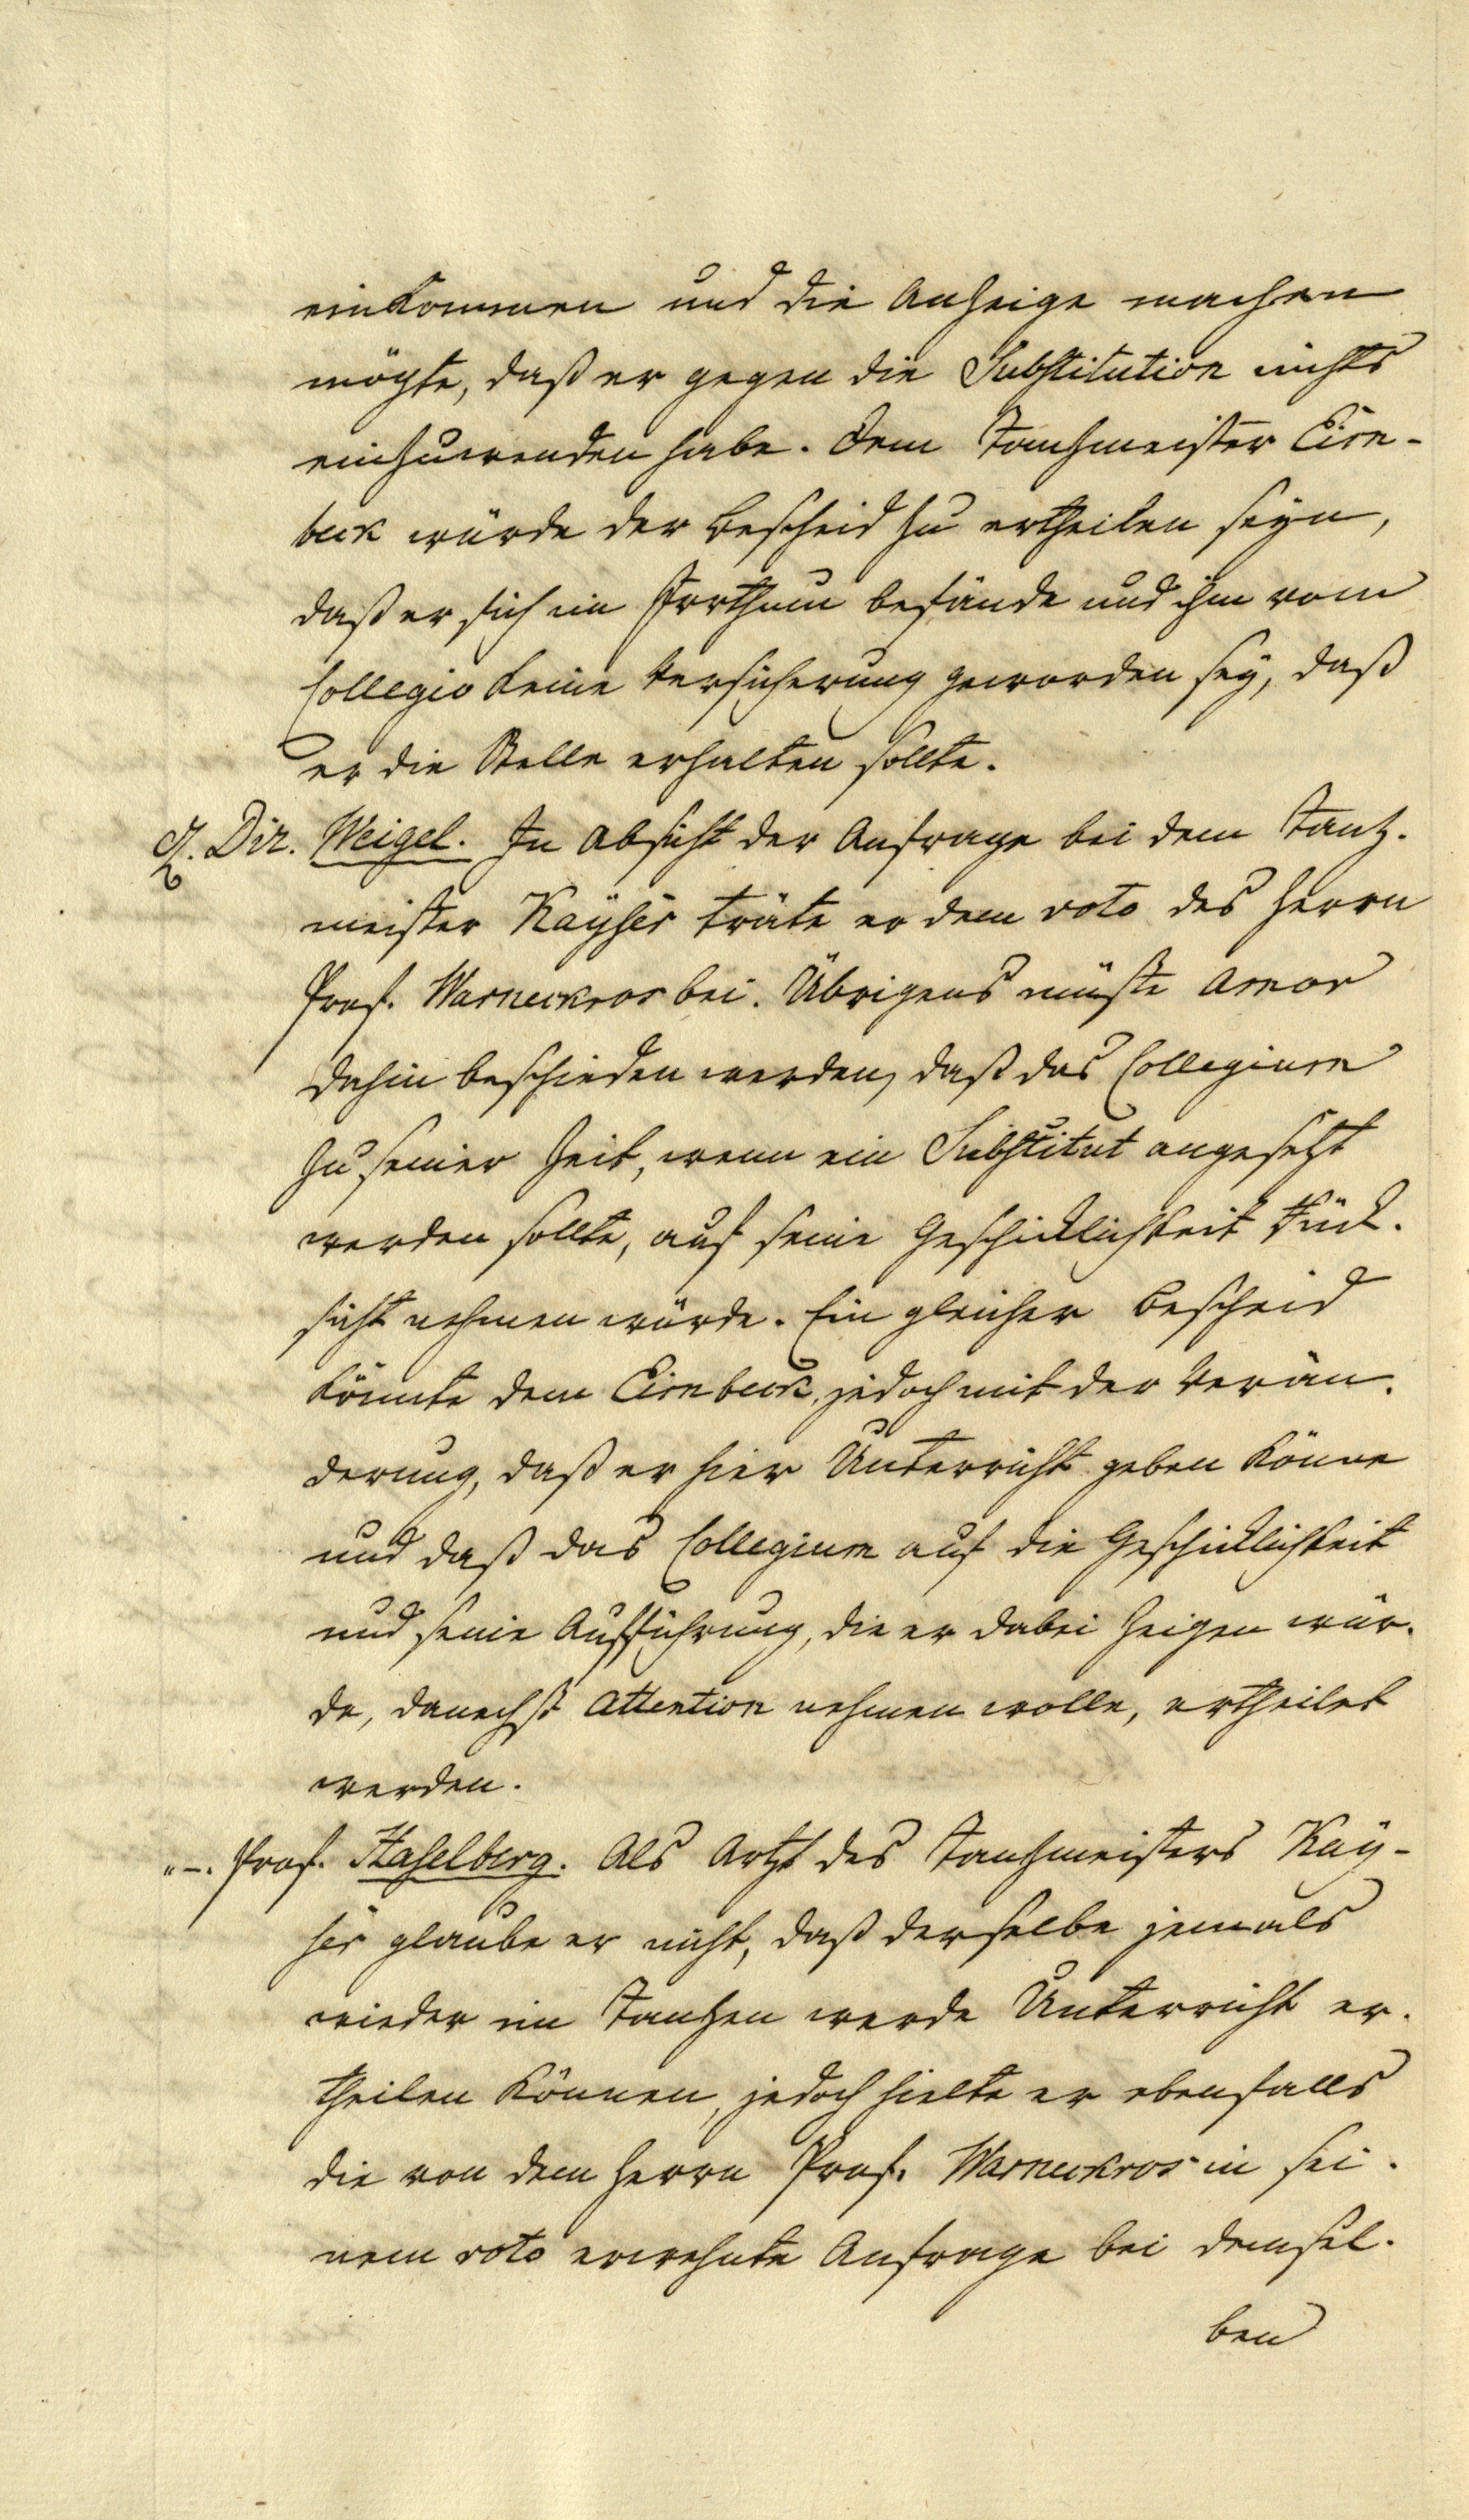einkommen und die Anzeige machen
mögte, daß er gegen die Substitution nichts
einzuwenden habe. Dem Tanzmeister Eim-
beck würde der Bescheid zu ertheilen seyn,
daß er sich im Irrthum befände und ihm vom
Collegio keine Versicherung geworden sey, daß
er die Stelle erhalten sollte.
dh. Dir. Weigel. In Absicht der Anfrage bei dem Tanz-
meister Kayser träte er dem voto des herrn
Prof. Wanreckros bei. Übrigens müßte Amor
dahin beschieden werden, daß das Collegium
zu seiner Zeit, wenn ein Substitut angesetzt
werden sollte, auf seine Geschicklichkeit Rück-
sicht nehmen würde. Ein gleicher Bescheid
könnte dem Eimbeck, jedoch mit der Verän-
derung, daß er hier Unterricht geben könne
und daß das Collegium auf die Geschicklichkeit
und seine Aufführung, die er dabei zeigen wür-
de, danechst Attention nehmen wolle, ertheilet
werden.
" - " Prof. Haselberg. Als Arzt des Tanzmeisters Kay-
ser glaube er nicht, daß derselbe jemals
wieder im Tanzen werde Unterricht er-
theilen können, jedoch hielte er ebenfalls
die von dem Herrn Prof. Warneckros in sei-
nem voto erwehnte Anfrage bei demsel-
ben